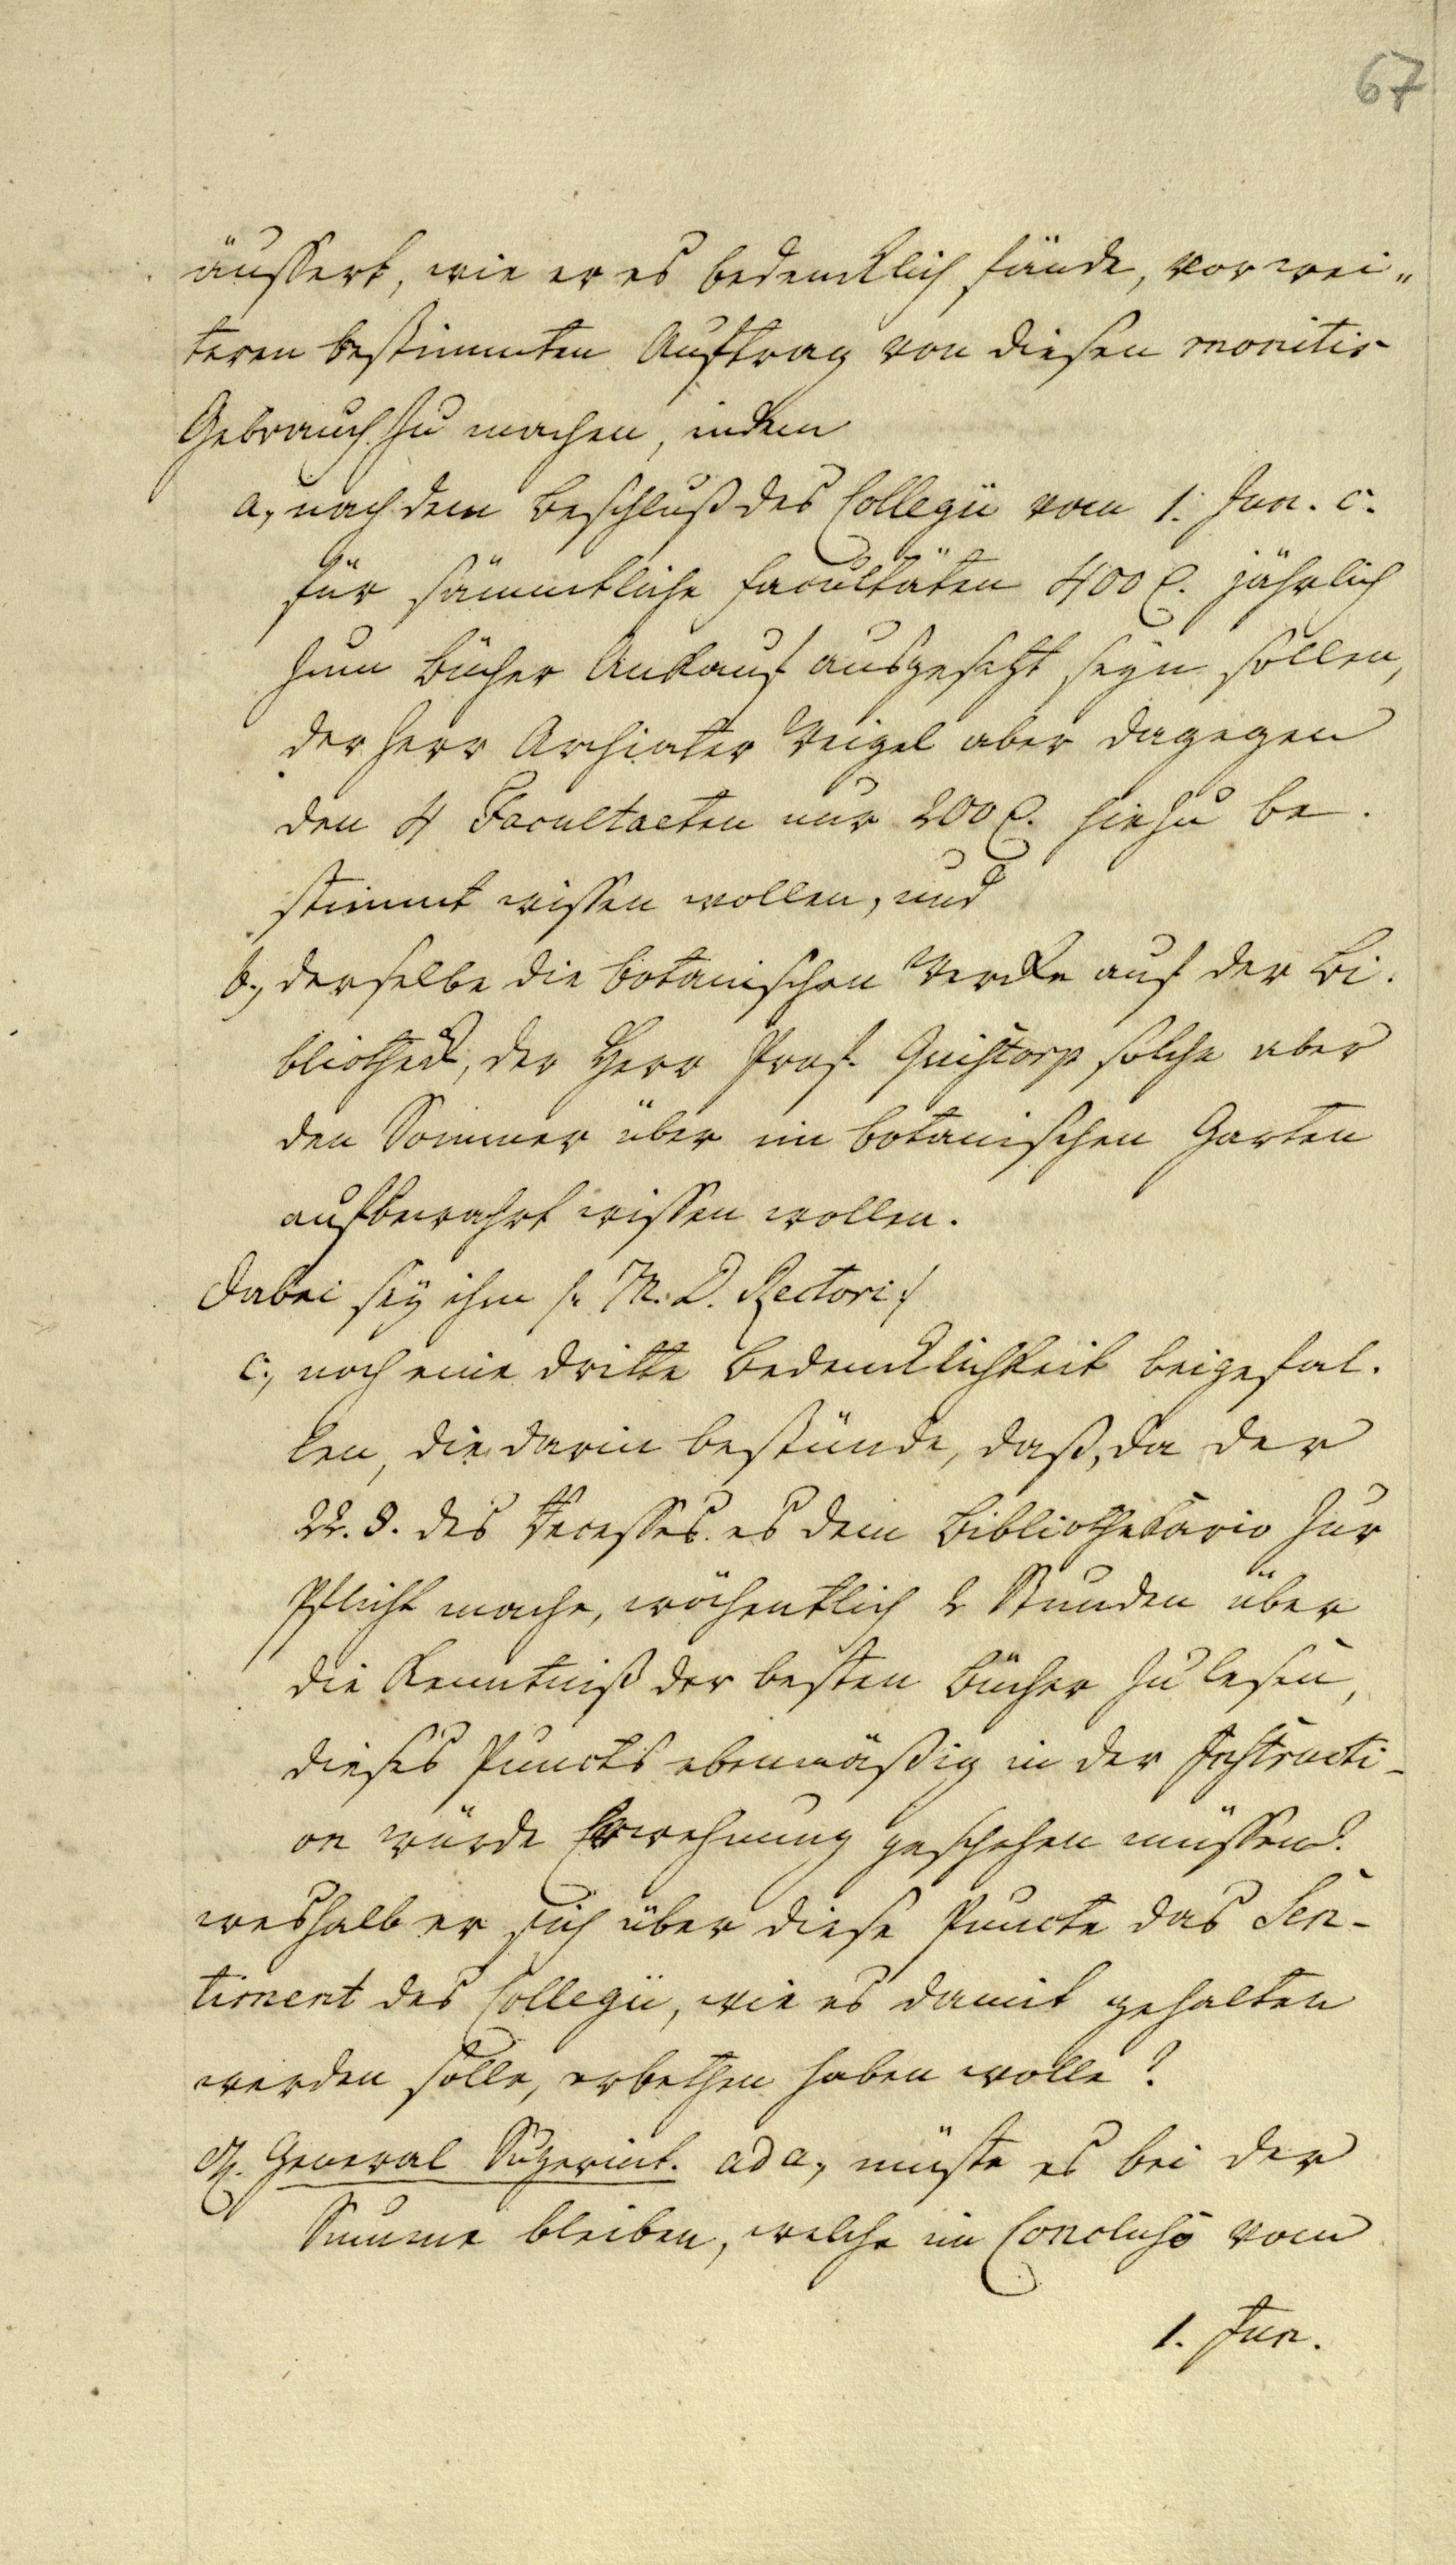äussert, wie er es bedencklich fände, vor wei¬
teren bestimmten Auftrag von diesen monitis
Gebrauch zu machen, indem
a, nach dem Beschluß des Collegii vom 1. Jun. c.
für sämmtliche Facultäten 400 l. jährlich
zum Bücher Ankauf ausgesetzt seÿn sollen,
der Herr Archiater Weigel aber dagegen
den 4. Facultaeten nur 200 l. hiezu be¬
stimmt wissen wollen, und
b, derselbe die botanischen Wercke auf der Bi¬
bliotheck, der Herr Prof. Quistorp solche aber
den Sommer über im botanischen Garten
aufbewahrt wissen wollen.
Dabei seÿ ihm /: M. D. Rectori :/
c, noch eine dritte Bedencklichkeit beigefal¬
len, die darin bestünde, daß, da der
22. §. des Recesses es dem Bibliothekario zur
Pflicht mache, wöchentlich 2 Stunden über
die Kenntniß der besten Bücher zu lesen,
dieses Puncts ebenmäßig in der Instructi¬
on würde Erwehnung geschehen müssen.
weshalb er sich über diese Puncte das Sen¬
timent des Collegii, wie es damit gehalten
werden solle, erbethen haben wolle?
dh. General Superint. ad a. müßte es bei der
Summe bleiben, welche im Concluso vom
1. Jun.